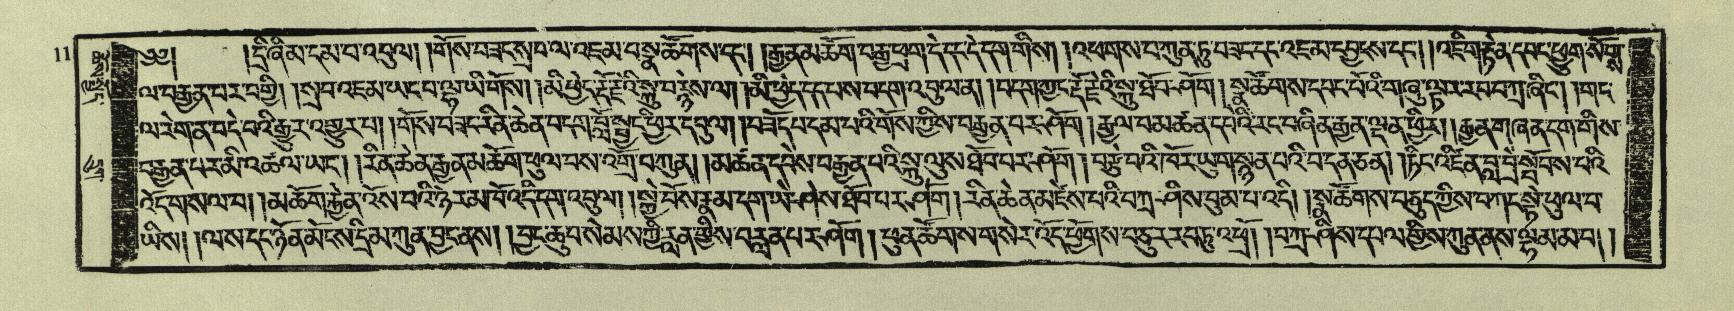༄༅། །དྲི་ཞིམ་དམ་པ་འབུལ། །གོས་བཟང་སྲབ་ལ་འཇམ་པ་སྣ་ཚོགས་དང་། །རྒྱན་མཆོག་བརྒྱ་ཕྲག་དེ་དང་དེ་དག་གིས། །འཕགས་བ་ཀུན་ཏུ་བཟང་དང་འཇམ་དབྱངས་དང་། །འཇིག་རྟེན་དབང་ཕྱུག་སོགས་
ལ་བརྒྱན་པར་བགྱི། །སྲབ་འཇམ་ཡང་པ་ལྷ་ཡི་གོས། །མི་ཕྱེད་རྡོ་རྗེའི་སྐུ་བརྙེས་ལ། །མི་ཕྱེད་དད་པས་བདག་འབུལ་ན། །བདག་ཀྱང་རྡོ་རྗེའི་སྐུ་ཐོབ་ཤོག །སྣ་ཚོགས་དབང་པོའི་གཞུ་ལྟར་རབ་བཀྲ་ཞིང་། །གང་
ལ་རེག་ན་བདེ་བའི་རྒྱུར་འགྱུར་པ། །གོས་བཟང་རིན་ཆེན་བདག་བློ་སྦྱང་ཕྱིར་དབུལ། །བཟོད་པ་དམ་པའི་གོས་ཀྱིས་བརྒྱན་པར་ཤོག །རྒྱལ་བ་མཚན་དཔེའི་རང་བཞིན་རྒྱན་ལྡན་ཕྱིར། །རྒྱན་གཞན་དག་གིས་
བརྒྱན་པར་མི་འཚལ་ཡང་། །རིན་ཆེན་རྒྱན་མཆོག་ཕུལ་བས་འགྲོ་བ་ཀུན། །མཚན་དེབས་བརྒྱན་པའི་སྐུ་ལུས་ཐོབ་པར་ཤོག །བརྩེ་བའི་ཁོར་ཡུག་སྙན་པའི་བ་དན་ཅན། །ཏིང་འཛིན་བླ་བྲེ་སྤོབས་པའི་
འོད་གསལ་བ། །མཆོག་རྐྱེན་འོས་བའི་ཉེར་མཁོ་འདི་དག་འབུལ། །སྐྱེ་བོས་རྣམ་དག་ཡེ་ཤེས་ཐོབ་པར་ཤོག །རིན་ཆེན་མཛེས་པའི་བཀྲ་ཤིས་བུམ་པ་འདི། །སྣ་ཚོགས་བཅུད་ཀྱིས་བཀང་སྟེ་ཕུལ་བ་
ཡིས། །ལས་དང་ཉོན་མོངས་དྲི་མ་ཀུན་བྱང་ནས། །བྱང་ཆུབ་སེམས་ཀྱི་རླན་གྱིས་བརླན་པར་ཤོག །ཕུན་ཚོགས་གསེར་འོད་ཕྱོགས་བཅུར་རབ་ཏུ་འཕྲོ། །བཀྲ་ཤིས་དཔལ་གྱིས་ཀུན་ནས་ལྷམ་མ་བ། །